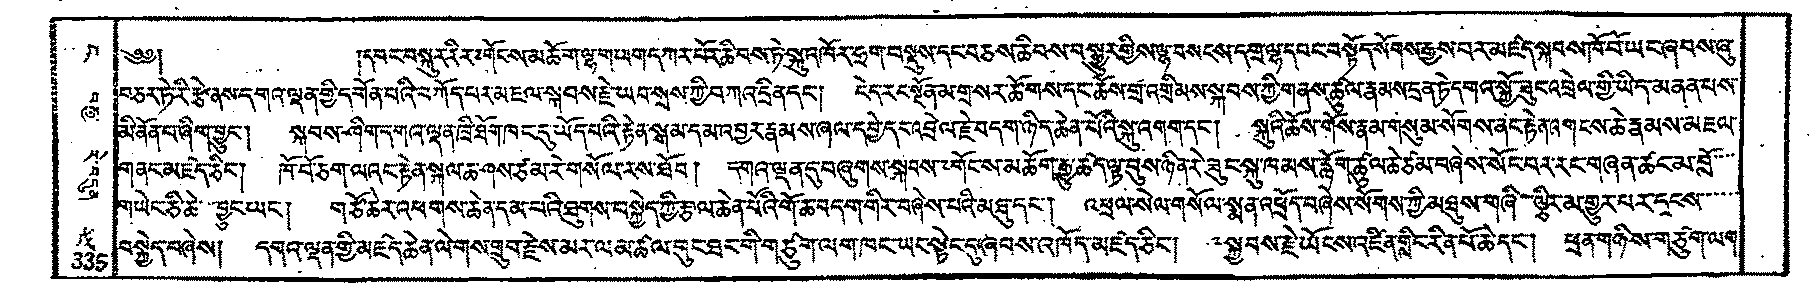༄༅། །དབང་བསྐུར་རིར་༧གོང་ས་མཆོག་ལྷ་གཡག་དཀར་པོར་ཆིབས་ཏེ་སྐུ་འཁོར་ཧྲག་བསྡུས་དང་བཅས་ཆིབས་བསྒྱུར་གྱིས་ལྷ་བསངས་དགྲ་ལྷ་དཔང་བསྟོད་སོགས་རྒྱས་པར་མཛད་སྐབས་ཁོ་བོ་ཡང་ཞབས་ཞུ་
བཅར་ཏེ་རི་རྩེ་ནས་དགའ་ལྡན་གྱི་དགོན་པའི་བཀོད་པར་མཇལ་སྐབས་རྗེ་ཡབ་སྲས་ཀྱི་བཀའ་དྲིན་དང་། ངེད་རང་སྔོན་མ་གྲ་སར་ཚོགས་དང་ཆོས་གྲ་འགྲིམས་སྐབས་ཀྱི་གནས་ཚུལ་རྣམས་དྲན་ཏེ་དགའ་སྐྱོ་ཟུང་འབྲེལ་གྱི་ཡིད་མནན་པས་
མི་ནོན་པ་ཞིག་བྱུང་། སྐབས་ཤིག་དགའ་ལྡན་ཁྲི་ཐོག་ཁང་དུ་ཡོད་པའི་རྟེན་སྒམ་དམ་འབྱར་རྣམས་ཞལ་དབྱེ་དང་འབྲེལ་རྗེ་བདག་ཉིད་ཆེན་པོའི་སྐུ་འགག་དང་། སྐུའི་ཆོས་གོས་རྣམ་གསུམ་སོགས་ནང་རྟེན་འགངས་ཆེ་རྣམས་མཇལ་
གནང་མཛད་ཅིང་། ཁོ་བོ་ཅག་ལའང་རྟེན་སྐལ་ཆ་ཤས་ཙམ་རེ་གསོལ་རས་ཐོབ། དགའ་ལྡན་དུ་བཞུགས་སྐབས་༧གོང་ས་མཆོག་རྒྱུ་ཚད་ལྟ་བུས་ཉིན་རེ་ཟུང་སྐུ་ཁམས་རྙོག་ཚུལ་ཆེ་ཙམ་བཞེས་སོང་བར་རང་གཞན་ཚང་མ་བློ་
གཡེང་ཅི་ཆེ་བྱུང་ཡང་། གཙོ་ཆེར་འཕགས་ཆེན་དམ་པའི་ཐུགས་བསྐྱེད་ཀྱི་རྩལ་ཆེན་པོའི་གོ་ཆ་བདག་གིར་བཞེས་པའི་མཐུ་དང་། འཕྲལ་སེལ་གསོལ་སྨན་འཕྲོད་བཞེས་སོགས་ཀྱི་མཐུས་གཞི་ལྕིར་མ་གྱུར་པར་དྲངས་
བསྐྱེད་བཞེས། དགའ་ལྡན་གྱི་མཛད་ཆེན་ལེགས་གྲུབ་རྗེས་མར་ལམ་ཚལ་གུང་ཐང་གི་གཙུག་ལག་ཁང་ཡང་སྟེང་དུ་ཞབས་འཁོད་མཛད་ཅིང་། ༧སྐྱབས་རྗེ་ཡོངས་འཛིན་གླིང་རིན་པོ་ཆེ་དང་། ཕྲན་གཉིས་གཙུག་ལག་